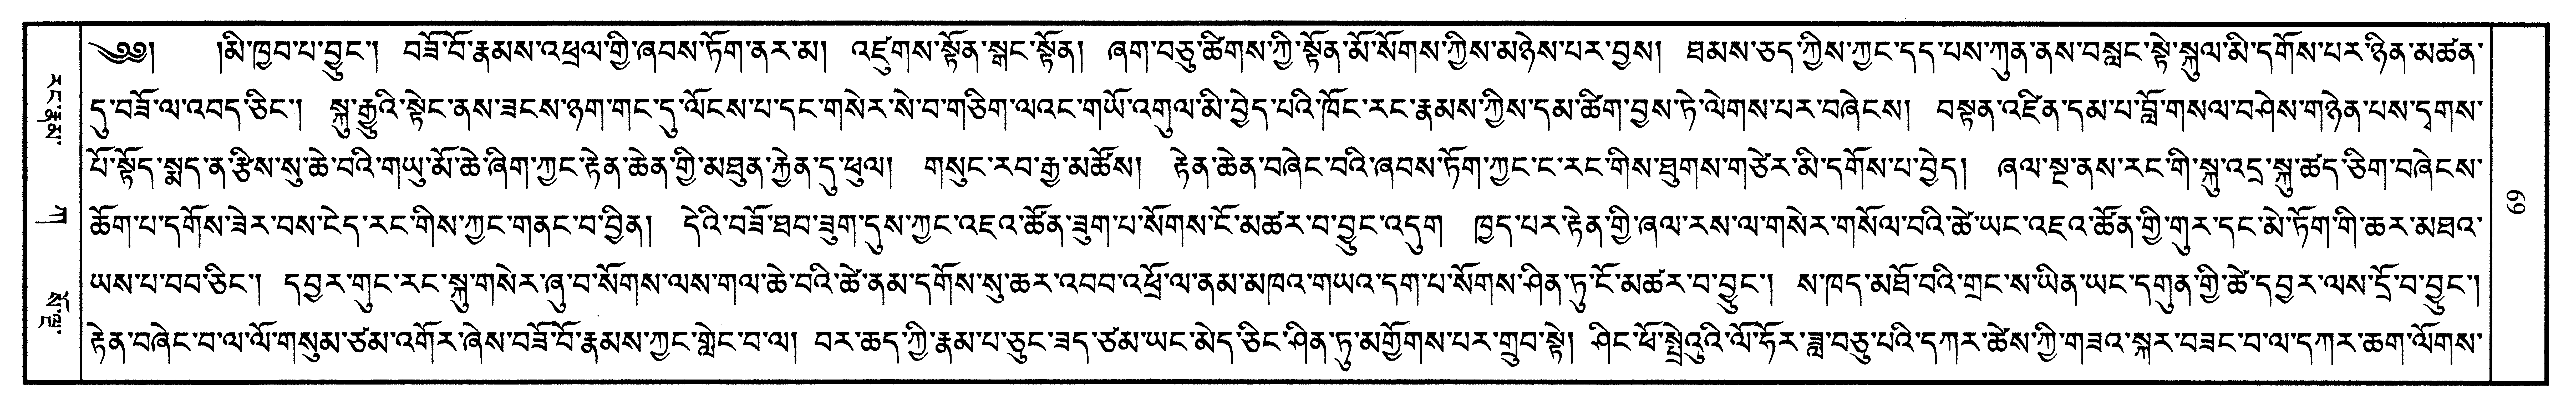༄༅། །མི་ཁྱབ་པ་བྱུང་། བཟོ་བོ་རྣམས་འཕྲལ་གྱི་ཞབས་ཏོག་ནར་མ། འཛུགས་སྟོན་སྒང་སྟོན། ཞག་བཅུ་ཚིགས་ཀྱི་སྟོན་མོ་སོགས་ཀྱིས་མཉེར་པར་བྱ། ཐམས་ཅད་ཀྱིས་ཀྱང་དད་པས་ཀུན་ནས་བསླངས་སྟེ་བསྐུལ་མི་དགོས་པར་ཉིན་མཚན་
དུ་བཟོ་ལ་འབད་ཅིང་། སྐུའི་རྒྱུའི་སྟེང་ནས་ཟངས་ཉག་གང་དུ་ལོངས་པ་དང་གསེར་སེབ་གཅིག་ལའང་གཡོ་འགུལ་མི་བྱེད་པའི་ཁོང་རང་རྣམས་ཀྱི་དམ་ཚིག་བྱས་ཏེ་ལེགས་པར་བཞེངས། བསྟན་འཛིན་དམ་པ་བློ་གསལ་བཤེས་གཉེན་པས་དྭགས་
པོ་སྟོད་སྨད་ན་རྩིས་སུ་ཆེ་བའི་གཡུ་མོ་ཆེ་ཞིག་ཀྱང་རྟེན་ཆེན་གྱི་མཐུན་རྐྱེན་དུ་ཕུལ། གསུང་རབ་རྒྱ་མཚོས། རྟེན་ཆེན་བཞེང་བའི་ཞབས་ཏོག་ཀྱང་ང་རང་གིས་ཐུགས་གཙེར་མི་དགོས་པ་བྱེད། ཞལ་སྔ་ནས་རང་གི་སྐུ་འདྲ་སྐུ་ཚད་ཅིག་བཞེངས་
ཆོག་པ་དགོས་ཟེར་བས་ངེད་རང་གིས་ཀྱང་གནང་བ་བྱིན། དེའི་བཟོ་ཐབ་ཟུག་དུས་ཀྱང་འཇའ་ཚོན་ཟུག་པ་སོགས་ངོ་མཚར་བ་བྱུང་འདུག །ཁྱད་པར་རྟེན་གྱི་ཞལ་རས་ལ་གསེར་གསོལ་བའི་ཚེ་ཡང་འཇའ་ཚོན་གྱི་གུར་དང་མེ་ཏོག་གི་ཆར་མཐའ་
ཡས་པ་བབ་ཅིང་། དབྱར་གུང་རང་སྐུ་གསེར་ཞུ་བ་སོགས་ལས་གལ་ཆེ་བའི་ཚེ་ནམ་དགོས་སུ་ཆར་འབབ་འཕྲོ་ལ་ནམ་མཁའ་གཡའ་དག་པ་སོགས་ཤིན་ཏུ་ངོ་མཚར་བ་བྱུང་། ས་ཁད་མཐོ་བའི་གྲང་ས་ཡིན་ཡང་དགུན་གྱི་ཚེ་དབྱར་ལས་དྲོ་བ་བྱུང་།
རྟེན་བཞེང་བ་ལ་ལོ་གསུམ་ཙམ་འགོར་ཞེས་བཟོ་བོ་རྣམས་ཀྱང་གླེང་བ་ལ། བར་ཆད་ཀྱི་རྣམ་པ་ཅུང་ཟད་ཙམ་ཡང་མེད་ཅིང་ཤིན་ཏུ་མགྱོགས་པར་སྒྲུབ་སྟེ། ཤིང་ཕོ་སྤྲེའུའི་ལོ་ཧོར་ཟླ་བཅུ་པའི་ཚེ་ཀྱི་གཟའ་སྐར་བཟང་བ་ལ་དཀར་ཆག་ལོགས་